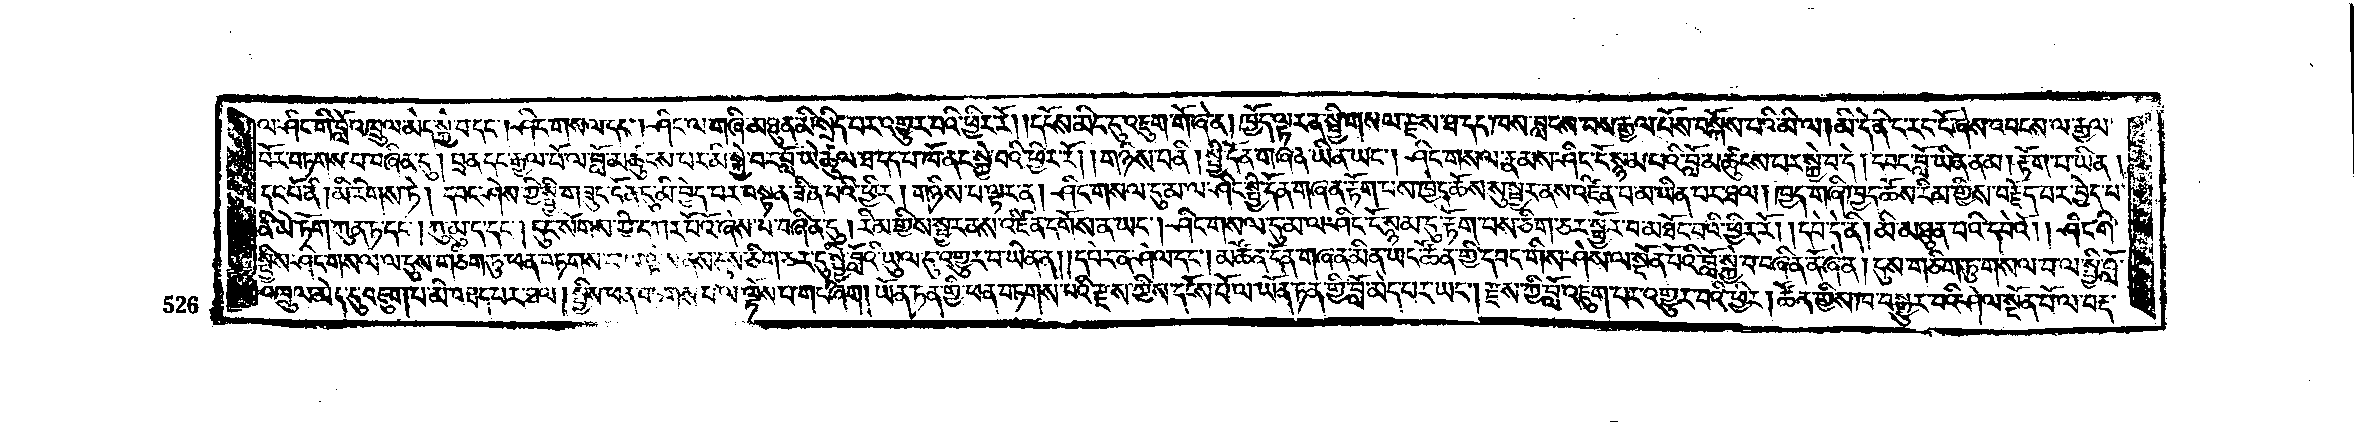ལ་ཤིང་གི་བློ་འཁྲུལ་མེད་སྐྱེ་བ་དང་། ཤིང་གསལ་དང་ཤིང་ལ་གཞི་མཐུན་མི་སྲིད་པར་འགྱུར་བའི་ཕྱིར་རོ། །དངོས་མིང་དུ་འཇུག་གོ་ཞེ་ན། ཁྱེད་ལྟར་ན། སྤྱི་གསལ་རྫས་ཐ་དད་ཁས་བླངས་པས་རྒྱལ་པོས་བསྐོས་པའི་མི་ལ། མི་དེ་ནི་ང་རང་ངོ་ཞེས་འབངས་ལ་རྒྱལ་
པོར་བཏགས་པ་བཞིན་དུ། བྲན་དང་རྒྱལ་པོ་ལ་བོ་མཚུངས་པར་མི་སྐྱེ་བར་བློ་ཡི་ཚུལ་ཐ་དད་པ་ཁོ་ནང་སྐྱེ་བའི་ཕྱིར་རོ། །གཉིས་པ་ནི། སྤྱི་དོན་གཞན་ཡིན་ཡང་། ཤིང་གསལ་རྣམས་ཤིང་ངོ་སྙམ་པའི་བློ་མཚུངས་པར་སྐྱེ་བ་དེ། དབང་བློ་ཡིན་ནམ། ཏོག་པ་ཡིན།
དང་པོ་ནི། མི་རིགས་ཏེ། དབང་ཤེས་ཀྱི་སྤྱི་གཟུང་དོན་དུ་མི་བྱེད་པར་བསྟན་ཟིན་པའི་ཕྱིར། གཉིས་པ་ལྟར་ན། ཤིང་གསལ་དུ་མ་ལ་ཤིང་སྤྱི་དོན་གཞན་རྟོག་པས་ཁྱེད་ཆོས་སུ་སྦྱར་ནས་འཛིན་པ་མ་ཡིན་པར་ཐལ། ཁྱད་གཞི་ཆོས་རིམ་གྱིས་བརྗོད་པར་བྱེད་པ་
ནི་མེ་ཏོག་ཀུན་ཏ་དང་། ཀུ་མུ་ད་དང་། དུང་སོགས་ཀྱི་དཀར་པོའོ་ཞེས་པ་བཞིན་དུ་རིམ་གྱིས་སྦྱར་ནས། འཛིན་དགོས་ན་ཡང་། ཤིང་གསལ་དུ་མ་ལ་ཤིང་ངོ་སྙམ་དུ་རྟོག་པས་ཅི་ཅར་སྦྱོར་བ་མཐོང་བའི་ཕྱིར་རོ། །དཔེ་དེ་ནི། མི་མཐུན་པའི་དཔེའོ། །ཤིང་གི་
སྤྱིས་ཤིང་གསལ་ལ་དུས་གཅིག་ཏུ་ཕན་བཏགས་པ་ལ་ལྟེས་ནས་དུས་ཅིག་ཆར་དུ་སྤྱི་བློའི་ཡུལ་དུ་འགྱུར་པ་ཡིན་ན། དཔེར་ན་ཤེལ་དང་། མཚོན་དོན་གཞན་མིན་ཡང་ཚོན་གྱི་དབང་གིས་ཤེས་ལ་སྔོན་པོའི་བློ་སྐྱེ་བ་བཞིན་ནོ་ཞེ་ན། དུས་གཅིག་ཏུ་གསལ་བ་ལ་སྤྱི་བློ་
འཁྲུལ་མེད་དུ་འཇུག་པ་མི་འཐད་པར་ཐལ། སྤྱིས་ཕན་བཏགས་པ་ལ་ལྟོས་པ་གང་ཞིག །ཡོན་ཏན་གྱི་ཕན་བཏགས་པའི་རྫས་ཀྱིས་དངོས་པོ་ལ་ཡོན་ཏན་གྱི་བློ་མེད་པར་ཡང་། རྫས་ཀྱི་བློ་འཇུག་པར་འགྱུར་བའི་ཕྱིར། ཚོན་གྱིས་ཁ་བསྒྱུར་བའི་ཤེལ་སྔོན་པོ་ལ་བརྡ་